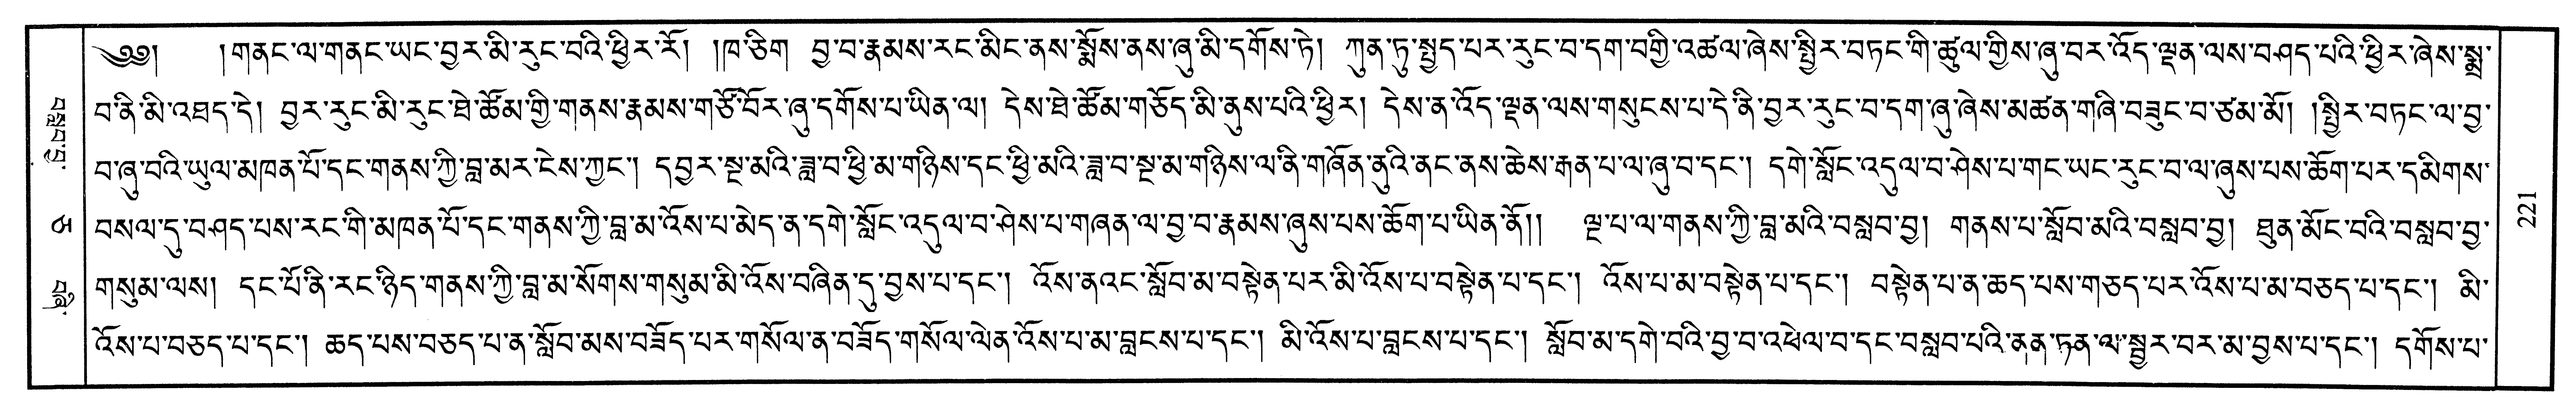༄༅། །གནང་ལ་གནང་ཡང་བྱར་མི་རུང་བའི་ཕྱིར་རོ། །ཁ་ཅིག་བྱ་བ་རྣམས་རང་མིང་ནས་སྨོས་ནས་ཞུ་མི་དགོས་ཏེ། ཀུན་ཏུ་སྤྱད་པར་རུང་བ་དག་བགྱི་འཚལ་ཞེས་སྤྱིར་བཏང་གི་ཚུལ་གྱིས་ཞུ་བར་འོད་ལྡན་ལས་བཤད་པའི་ཕྱིར་ཞེས་སྨྲ་
བ་ནི་མི་འཐད་དེ། བྱར་རུང་མི་རུང་ཐེ་ཚོམ་གྱི་གནས་རྣམས་གཙོ་བོར་ཞུ་དགོས་པ་ཡིན་ལ། དེས་ཐེ་ཚོམ་གཅོད་མི་ནུས་པའི་ཕྱིར། དེས་ན་འོད་ལྡན་ལས་གསུངས་པ་དེ་ནི་བྱར་རུང་བ་དག་ཞུ་ཞེས་མཚན་གཞི་བཟུང་བ་ཙམ་མོ། །སྤྱིར་བཏང་ལ་བྱ་
བ་ཞུ་བའི་ཡུལ་མཁན་པོ་དང་གནས་ཀྱི་བླ་མར་ངེས་ཀྱང་། དབྱར་སྔ་མའི་ཟླ་བ་ཕྱི་མ་གཉིས་དང་ཕྱི་མའི་ཟླ་བ་སྔ་མ་གཉིས་ལ་ནི་གཞོན་ནུའི་ནང་ནས་ཆེས་རྒན་པ་ལ་ཞུ་བ་དང་། དགེ་སློང་འདུལ་བ་ཤེས་པ་གང་ཡང་རུང་བ་ལ་ཞུས་པས་ཆོག་པར་དམིགས་
བསལ་དུ་བཤད་པས་རང་གི་མཁན་པོ་དང་གནས་ཀྱི་བླ་མ་འོས་པ་མེད་ན་དགེ་སློང་འདུལ་བ་ཤེས་པ་གཞན་ལ་བྱ་བ་རྣམས་ཞུས་པས་ཆོག་པ་ཡིན་ནོ།། ལྔ་པ་ལ་གནས་ཀྱི་བླ་མའི་བསླབ་བྱ། གནས་པ་སློབ་མའི་བསླབ་བྱ། ཐུན་མོང་བའི་བསླབ་བྱ་
གསུམ་ལས། དང་པོ་ནི་རང་ཉིད་གནས་ཀྱི་བླ་མ་སོགས་གསུམ་མི་འོས་བཞིན་དུ་བྱས་པ་དང་། འོས་ནའང་སློབ་མ་བསྟེན་པར་མི་འོས་པ་བསྟེན་པ་དང་། འོས་པ་མ་བསྟེན་པ་དང་། བསྟེན་པ་ན་ཆད་པས་གཅད་པར་འོས་པ་མ་བཅད་པ་དང་། མི་
འོས་པ་བཅད་པ་དང་། ཆད་པས་བཅད་པ་ན་སློབ་མས་བཟོད་པར་གསོལ་ན་བཟོད་གསོལ་ལེན་འོས་པ་མ་བླངས་པ་དང་། མི་འོས་པ་བླངས་པ་དང་། སློབ་མ་དགེ་བའི་བྱ་བ་འཕེལ་བ་དང་བསླབ་པའི་ནན་ཏན་ལ་སྦྱར་བར་མ་བྱས་པ་དང་། དགོས་པ་